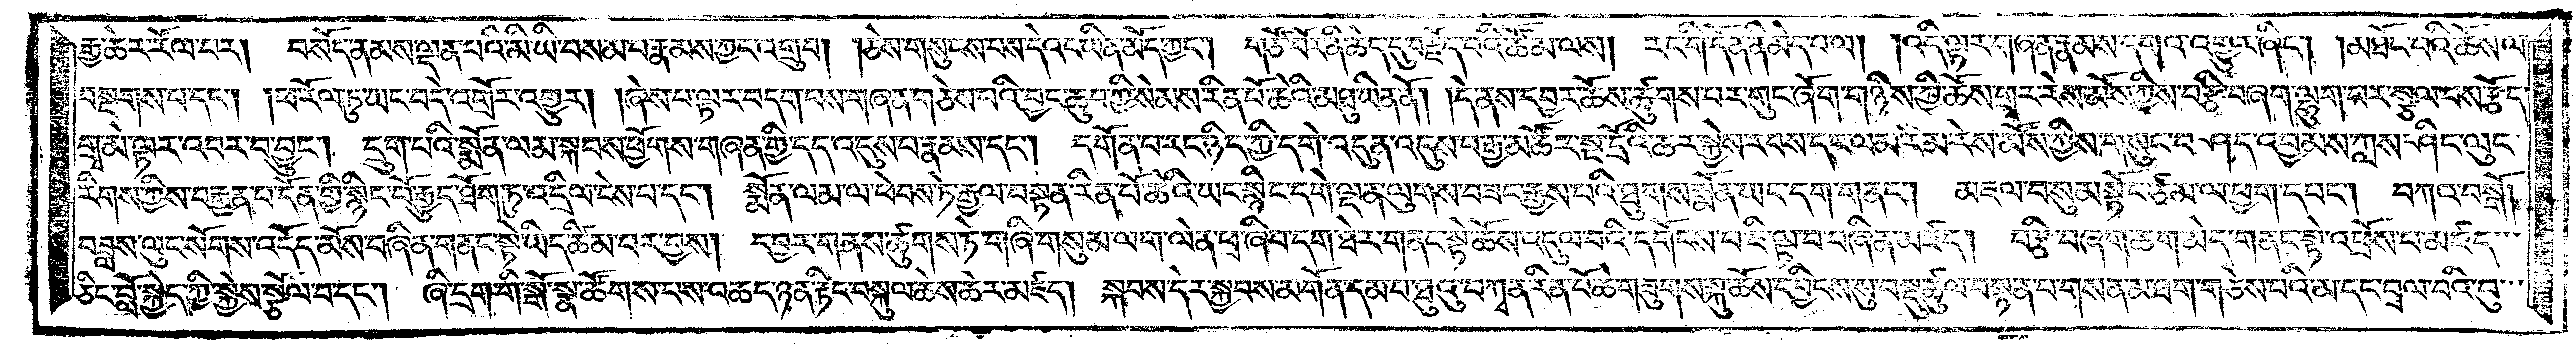རྒྱ་ཆེར་རོལ་པར། བསོད་ནམས་ལྡན་བའི་མི་ཡི་བསམ་པ་རྣམས་ཀྱང་འགྲུབ། །ཅེས་གསུངས་བས་དེའང་ཡིན་མོད་ཀྱང་། གཙོ་བོར་ནི་ཆེད་དུ་བརྗོད་བའི་ཚོམ་ལས། རང་གི་དོན་ནི་མེད་པ་ལ། །འདི་ལྟར་གཞན་རྣམས་དགའ་འགྱུར་ཞིང་། །མཐོང་བའི་ཆོས་ལ་
བསྔགས་པ་དང་། །ཕ་རོལ་ཏུ་ཡང་བདེ་འགྲོར་འགྱུར། །ཞེས་པ་ལྟར་བདག་བས་གཞན་གཅེས་བའི་བྱང་ཆུབ་ཀྱི་སེམས་རིན་པོ་ཆེའི་མཐུ་ཡིན་ནོ། །དེ་ནས་དབྱར་ཆོས་ཚུགས་བར་གུང་ཞོག་གཉིས་ཀྱི་ཆོས་གྲྭར་རེས་མོས་ཀྱིས་བརྩི་བཞག་ལྷུག་པར་སྩལ་བས་རྩོད་
གྲྭ་མེད་ལྟར་འབར་བ་བྱུང་། དྲུག་པའི་སྨོན་ལམ་སྐབས་ཕྱོགས་གཞན་གྱི་དད་འདུས་པ་རྣམས་དང་། དགོན་པར་རང་ཉིད་ཀྱི་དགེ་འདུན་འདུས་པ་རྒྱ་མཚོར་སྔ་དྲོའི་ཆར་སྐྱེས་རབས་དང་ལམ་རིམ་རེས་མོས་ཀྱིས་གསུང་བཤད་འབྱམས་ཀླས་ཤིང་ལུང་
རིགས་ཀྱིས་བརྒྱན་བདོན་གྱི་སྙིང་པོ་རྒྱུད་ཐོག་ཏུ་འདྲིལ་ངེས་པ་དང་། སྨོན་ལམ་ལ་ཕེབས་ཏེ་རྒྱལ་བསྟན་རིན་པོ་ཆེའི་ཡང་སྙིང་དགེ་ལྡན་ལུགས་བཟང་རྒྱས་པའི་ཐུགས་སྨོན་ཡང་དག་གནང་། མཇལ་བསུམ་སྟོང་ཙམ་ལ་ཕྱག་དབང་། བཀའ་བསྒོ།
བཟླས་ལུང་སོགས་འདོད་མོས་བཞིན་གནང་སྟེ་ཡིད་ཚིམ་པར་བྱས། དབྱར་གནས་ཚུགས་ཏེ་གཞི་གསུམ་ལག་ལེན་ཕྲ་ཞིབ་དག་ཐེར་གནང་སྟེ་ཆོས་འདུལ་བའི་དགོངས་པ་ཇི་ལྟ་བ་བཞིན་མཛད། བརྩི་བཞག་ཆག་མེད་གནང་སྟེ་འཕྲོས་པ་མཛད་
ཅིང་བློ་སྐྱེད་ཀྱི་སྐྱེས་སྩོལ་བ་དང་། ཞི་དྲག་གི་སྒོ་སྣ་ཚོགས་པས་འཆད་ཉན་རྟིང་བསྐུལ་ཆེས་ཆེར་མཛད། སྐབས་དེར་སྐྱབས་མགོན་དམ་པ་ཐུའུ་བཀྭན་རིན་པོ་ཆེ་གཟུགས་སྐུ་ཆོས་དབྱིངས་སུ་བསྡུ་ཚུལ་བསྟན་པ་གསན་མ་ཐག་གཅེས་པའི་མ་དང་བྲལ་བའི་བུ་